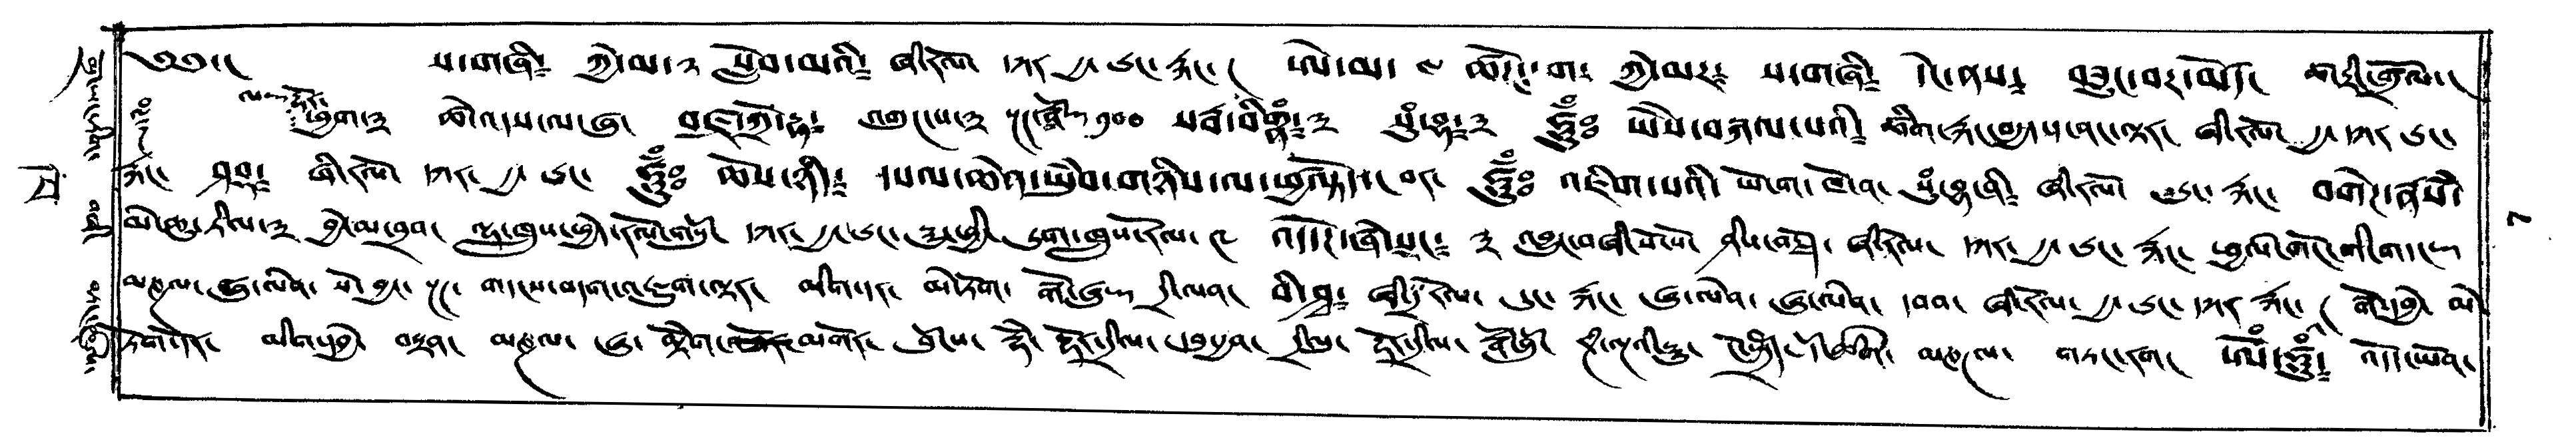ས་གཞི༴ ཀྱེ་མ་གཉིས། སློབ་མའི༴ ཞི་རོལ། དཀར། རྒྱ། དུང་། རྐང་། ཌཱ། ཨེ་མ་བཞི། ཚོགས་དག༴ ཀྱེ་མར༴ ས་གཞི༴ དེང་ནས༴ བཟུང་བར་མཛོད། ཚ་རྟིང་གྲོལ། 
༈ ལས་རྡོར་གྱིས་ཕྱག་གསུམ། ཚེ་འདས་ལ་ཞུ། བཛྲ་ཀྲོ་དྷ༴ འགུགས་པ་གསུམ། སྔགས་རྣམས་བརྒྱ། སརྦ་བུགྣཾ༴ གསུམ། སུཾ་བྷ༴ གསུམ། ཧཱུྃཿ ཡེ་ཤེས་བསྐལ་པའི༴ ཚིག་རྐང་བརྒྱད་ད་ནང་ལྟར། ཞི་རོལ། རྒྱ། དཀར། དུང་། 
རྐང་། ཤབྡ༴ ཞི་རོལ། དཀར། རྒྱ། དུང་། ཧཱུྃཿ ཆོས་ཉིད༴ དཔལ་ཆེན་ཡབ་ཡུམ་གཉིས་ལ་ཕྱག་འཚལ་བསྟོད། བར། ཧཱུྃཿ འཇིགས་པའི། ཡོ་ག་ཁོ་ན། སུཾ་བྷ་ནི༴ ཞི་རོལ། དུང་། རྐང་། བགེགས་རྣམས། 
མེ་ཆུ་ཏིལ་གསུམ། བྱེ་མ་བྲབ། ལྷ་ཁྲུས་ཕྱེད་རོལ་གསུམ། དཀར། རྒྱ། དུང་། སྐུ་ཕྱི། དུག་ཁྲུས་རོལ་བཞི། འདོད་ཆགས་ཞེ་སྡང༴ གསུམ། འབྱུང་བ་བཞི་སོ་སོ། ཤིས་བརྗོད། ཞི་རོལ། དཀར། རྒྱ། དུང་། རྐང་། ཕྱག་འཚལ་གོང་གི་གདངས། 
མཎྜལ། ཞུ་ལེན། སོ་བྱང་སྔགས། གདངས་བདག་འཇུག་ལྟར། མིག་དར། མེ་ཏོག། སྒོ་ཞུས། དྲི་ལན། བི་ཤྭ༴ ཞི་དྲ་རོལ། དུང་། རྐང་། ཞུ་ལེན། དབབ། ཞི་རོལ། རྒྱ། དུང། དཀར། རྐང་། ཌཱ། སྒོ་དབྱེ། མེ་
ཏོག་དོར། མིག་དབྱེ། བསྟན། མཎྜལ། ཞུ། མེ་ཏོག་མགོར། བུམ་པ། རྡོ་རྗེ། རྡོར་དྲིལ། དབུ་རྒྱན། དྲིལ་བུ། རྡོར་དྲིལ། རྣམ་བུམ། རིགས་ལྔའི་སྐུ། ངོ་སྤྲོད་དམ་ཚིགམཎྜལ། གཏང་རག ཨོཾ་ཧཱུྃ༴ འདོད་ཡོན།